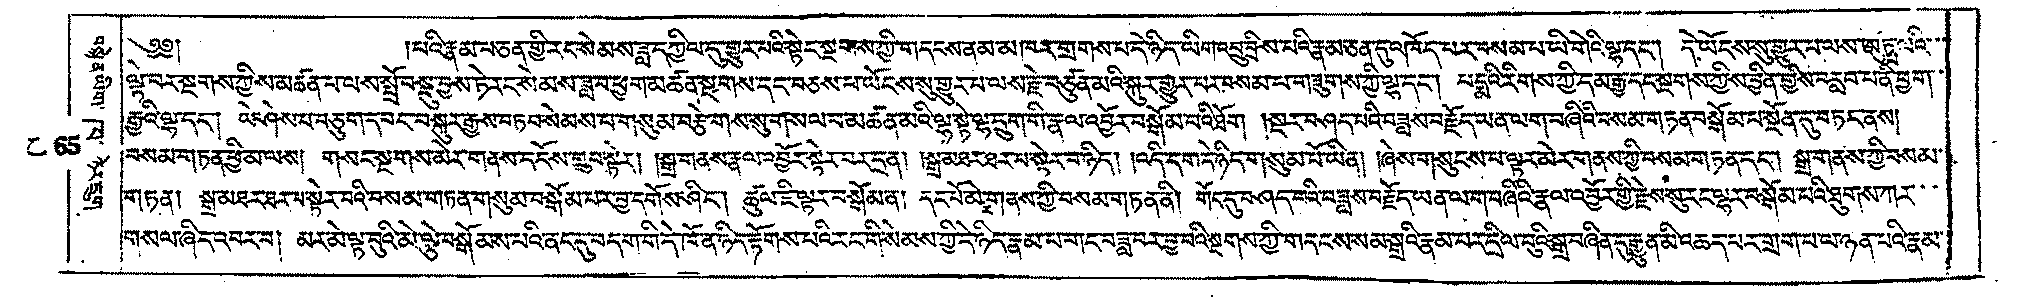༄༅། །པའི་རྣམ་པ་ཅན་གྱི་རང་སེམས་ཟླ་དཀྱིལ་དུ་གྱུར་པའི་སྟེང་སྔགས་ཀྱི་གདངས་ནམ་མཁར་གྲགས་པ་དེ་ཉིད་ཡིག་འབྲུ་བྲིས་པའི་རྣམ་ཅན་དུ་འཁོད་པར་བསམ་པ་ཡི་གེའི་ལྷ་དང་། དེ་ཡོངས་སུ་གྱུར་པ་ལས་ཨུཏྤ་ལའི་་་
ལྟེ་བར་སྔགས་ཀྱིས་མཚན་པ་ལས་སྤྲོ་བསྡུ་བྱས་ཏེ་རང་སེམས་ཟླ་བ་ཕྱག་མཚན་སྔགས་དང་བཅས་ཕ་ཡོངས་སུ་གྱུར་པ་ལས་རྗེ་བཙུན་མའི་སྐུར་གྱུར་པར་བསམ་པ་གཟུགས་ཀྱི་ལྷ་དང་། པདམའི་རིགས་ཀྱི་དམ་རྒྱ་དང་སྔགས་ཀྱིས་བྱིན་གྱིས་བརླབ་པ་ནི་ཕྱག་་་
རྒྱའི་ལྷ་དང་། ཡེ་ཤེས་པ་བཅུག་དབང་བསྐུར་རྒྱས་བཏབ་སེམས་པ་གསུམ་བརྩེགས་སུ་གསལ་བ་མཚན་མའི་ལྷ་སྟེ་ལྷ་དྲུག་གི་རྣལ་འབྱོར་བསྒོམ་པའི་ཐོག །སྔར་བཤད་པའི་བཟླས་བརྗོད་ཡན་ལག་བཞིའི་བསམ་གཏན་བསྒོམ་པ་སྔོན་དུ་བཏང་ནས།
བསམ་གཏན་ཕྱི་མ་ལས། གསང་སྔགས་མེར་གནས་དངོས་གྲུབ་སྟེར། །སྒྲ་གནས་རྣལ་འབྱོར་སྟེར་བར་དྲན། །སྒྲ་མཐར་ཐར་པ་སྟེར་བ་ཉིད། །འདི་དག་དེ་ཉིད་གསུམ་པོ་ཡིན། །ཞེས་གསུངས་པ་ལྟར་མེར་གནས་ཀྱི་བསམ་གཏན་དང་། སྒྲ་གནས་ཀྱི་བསམ་
གཏན། སྒྲ་མཐར་ཐར་པ་སྟེར་བའི་བསམ་གཏན་གསུམ་བསྒོམ་པར་བྱ་དགོས་ཤིང་། ཚུལ་ཇི་ལྟར་བསྒོམ་ན། དང་པོ་མེར་གནས་ཀྱི་བསམ་གཏན་ནི། གོང་དུ་བཤད་པའི་བཟླས་བརྗོད་ཡན་ལག་བཞིའི་རྣལ་འབྱོར་གྱི་རྗེས་སུ་རང་ལྷར་བསྒོམ་པའི་ཐུགས་ཀར་་་
གསལ་ཞིང་འབར་བ། མར་མེ་ལྟ་བུའི་མེ་ལྕེ་བསྒོམས་པའི་ནང་དུ་བདག་གི་དེ་ཁོ་ན་ཉིད་རྟོགས་པའི་རང་གི་སེམས་ཀྱི་དེ་ཉིད་རྣམ་པ་གང་བཟླ་བར་བྱ་བའི་སྔགས་ཀྱི་གདངས་སམ་སྒྲའི་རྣམ་པར་དྲིལ་བུའི་སྒྲ་བཞིན་དུ་རྒྱུན་མི་འཆད་པར་གྲག་པ་ལ་ཉན་པའི་རྣམ་